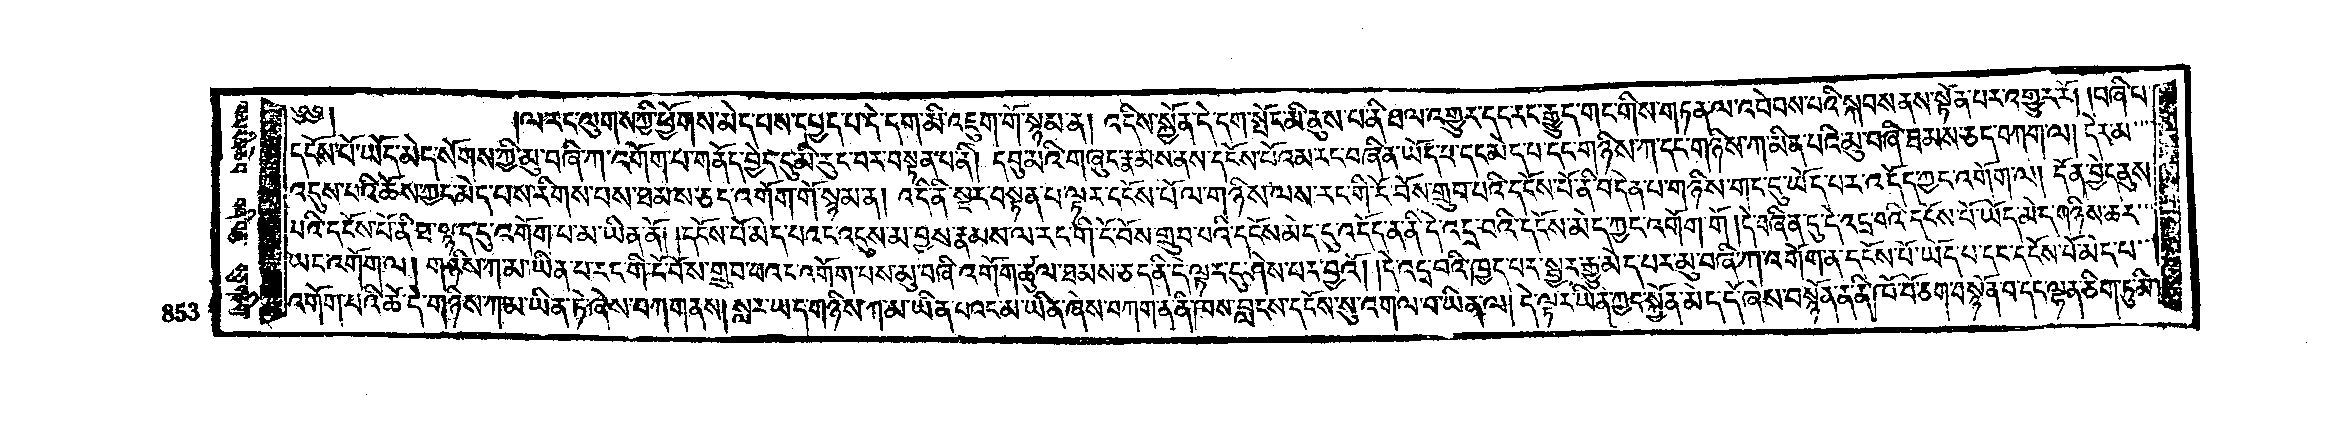༄༅། །ལ་རང་ལུགས་ཀྱི་ཕྱོགས་མེད་པས་དཔྱད་པ་དེ་དག་མི་འཇུག་གོ་སྙམ་ན། འདིས་སྐྱོན་དེ་དག་སྤོང་མི་ནུས་པ་ནི་ཐལ་འགྱུར་དང་རང་རྒྱུད་གང་གིས་གཏན་ལ་འབེབས་པའི་སྐབས་ནས་སྟོན་པར་འགྱུར་རོ། །བཞི་པ་
དངོས་པོ་ཡོད་མེད་སོགས་ཀྱི་མུ་བཞི་ཀ་འགོག་པ་གནོད་བྱེད་དུ་མི་རུང་བར་བསྟན་པ་ནི། དབུ་མའི་གཞུང་རྣམས་ནས་དངོས་པོའམ་རང་བཞིན་ཡོད་པ་དང་མེད་པ་དང་གཉིས་ཀ་དང་གཉིས་ཀ་མིན་པའི་མུ་བཞི་ཐམས་ཅད་བཀག་ལ། དེར་མ་
འདུས་པའི་ཆོས་ཀྱང་མེད་པས་རིགས་པས་ཐམས་ཅད་འགོག་གོ་སྙམ་ན། འདི་ནི་སྔར་བསྟན་པ་ལྟར་དངོས་པོ་ལ་གཉིས་ལས་རང་གི་ངོ་བོས་གྲུབ་པའི་དངོས་པོ་ནི་བདེན་པ་གཉིས་གང་དུ་ཡོད་པར་འདོད་ཀྱང་འགོག་ལ། དོན་བྱེད་ནུས་
པའི་དངོས་པོ་ནི་ཐ་སྙད་དུ་འགོག་པ་མ་ཡིན་ནོ། །དངོས་པོ་མེད་པའང་འདུས་མ་བྱས་རྣམས་ལ་རང་གི་ངོ་བོས་གྲུབ་པའི་དངོས་མེད་དུ་འདོད་ན་ནི་དེ་འདྲ་བའི་དངོས་མེད་ཀྱང་འགོག་གོ། དེ་བཞིན་དུ་དེ་འདྲ་བའི་དངོས་པོ་ཡོད་མེད་གཉིས་ཆར་
ཡང་འགོག་ལ། གཉིས་ཀ་མ་ཡིན་པ་རང་གི་ངོ་བོས་གྲུབ་པའང་འགོག་པས་མུ་བཞི་འགོག་ཚུལ་ཐམས་ཅད་ནི་དེ་ལྟར་དུ་ཤེས་པར་བྱའོ། །དེ་འདྲ་བའི་ཁྱད་པར་སྦྱར་རྒྱུ་མེད་པར་མུ་བཞི་ཀ་འགོག་ན་དངོས་པོ་ཡོད་པ་དང་དངོས་པོ་མེད་པ་
འགོག་པའི་ཚེ་དེ་གཉིས་ཀ་མ་ཡིན་ཏེ་ཞེས་བཀག་ནས། སླར་ཡང་གཉིས་ཀ་མ་ཡིན་པའང་མ་ཡིན་ཞེས་བཀག་ན་ནི་ཁས་བླངས་དངོས་སུ་འགལ་བ་ཡིན་ལ། དེ་ལྟར་ཡིན་ཀྱང་སྐྱོན་མེད་དོ་ཞེས་བསྙོན་ན་ནི་ཁོ་བོ་ཅག་བསྙོན་པ་དང་ལྷན་ཅིག་ཏུ་མི་